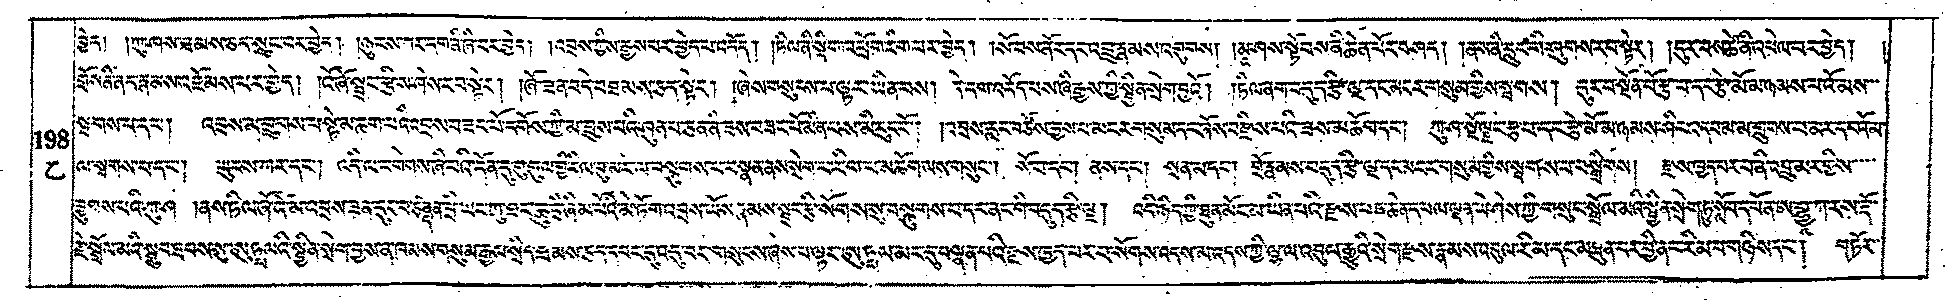བྱེད། །ཀུ་ཤས་ཐམས་ཅད་སྲུང་བར་བྱེད། །ཉུངས་ཀར་དག་ནི་ཞི་བར་བྱེད། །འབྲས་ཀྱིས་རྒྱས་པར་བྱེད་པ་འདོད། །ཏིལ་ནི་སྡིག་འཕྲོག་རིག་པར་བྱེད། །སོ་བས་ནོར་དང་འབྲུ་རྣམས་འགུགས། །མཱ་ཤས་སྟོབས་ནི་ཆེན་པོར་བཤད། །ནས་ནི་རླུང་གི་ཤུགས་རབ་སྟེར། །དུར་བས་ཚེ་ནི་འཕེལ་བར་བྱེད། །
གྲོས་ནི་ནད་རྣམས་འཇོམས་པར་བྱེད། །འོ་ཞོ་སྦྲང་རྩིས་ཤེས་རབ་སྟེར། །ཞོ་ཟན་བདེ་བ་ཐམས་ཅད་སྟེར། །ཞེས་གསུངས་པ་ལྟར་ཡིན་པས། དེ་དག་འདོད་པས་ཞི་རྒྱས་ཀྱི་སྦྱིན་སྲེག་བྱའོ། །ཏིལ་ནག་བདུད་རྩི་ལྔ་དང་མངར་གསུམ་གྱིས་སྦགས། དུར་བ་སྔོན་པོ་རྩ་བ་དང་རྩེ་མོ་མ་ཉམས་པ་འོ་མས་་་
སྦགས་པ་དང་། འབྲས་མ་གྲུགས་པ་སྟེ་མ་ཆག་པའི་འབྲས་བཟང་པོ་དགོས་ཀྱི་མ་བྲུས་པའི་ཤུན་པ་ཅན་ནི་ཟས་བཟང་པོ་མིན་པས་མི་རུང་ངོ། །འབྲས་རླང་བཙོས་བྱས་པ་མངར་གསུམ་དང་ཞོས་བརྫིས་པའི་ཟས་མཆོག་དང་། ཀུ་ཤ་སྔོ་ལྗང་རྩ་བ་དང་རྩེ་མོ་མ་ཉམས་ཤིང་འདྲབ་མ་མ་གྲུགས་པ་མར་དང་འོ་མ་
ལ་སྦགས་པ་དང་། ཡུངས་ཀར་དང་། འདི་ལ་བགེགས་ཞི་བའི་དོན་དུ་གུ་གུལ་གྱི་རིལ་བུ་མར་ལ་བསྙུགས་པ་བསྣན་ནས་སྲེག་པ་རིག་པ་མཆོག་ལས་གསུང་། སོ་བ་དང་། ནས་དང་། སྲན་མ་དང་། གྲོ་རྣམས་བདུད་རྩི་ལྔ་དང་མངར་གསུམ་གྱིས་སྦགས་པ་བསྒྲིགས། རྫས་ཁྱད་པར་བ་ནི་འབྲུ་མར་གྱིས་་་
བྱུགས་པའི་ཀུ་ཤ་།ནས་ཏིལ་ཞོ་འོ་མ་འབྲས་ཟན་དུར་བ་ཙནྡན་པྲི་ཡང་ཀུ་ཐང་ཆུ་དྲི་ཞིམ་པོའི་མེ་ཏོག་འབྲས་ཡོས་རྣམས་སྦྲང་རྩི་སོགས་སུ་བསྙུགས་པ་དང་ནང་གི་བདུད་རྩི་ལྔ། འདི་ཉིད་ཀྱི་ཐུན་མོང་མ་ཡིན་པའི་རྫས་པཎ་ཆེན་དཔལ་ལྡན་ཡེ་ཤེས་ཀྱི་གསུང་སྒྲོལ་མའི་སྦྱིན་སྲེག་ཏུ་སློབ་དཔོན་ཨ་བྷྱཱ་ཀ་རས་རྡོ་་་
རྗེ་སྒྲོལ་མའི་སྒྲུབ་ཐབས་སུ་ཨུཏྤལའི་སྦྱིན་སྲེག་བྱས་ན་ཁམས་གསུམ་རྒྱལ་སྲིད་ཐམས་ཅད་དབང་དུ་འདུ་བར་གསུངས་ཞེས་པ་ལྟར་ཨུཏྤལ་མང་དུ་བསྣན་པའི་རྫས་ཁྱད་པར་བ་སོགས་འདས་མ་འདས་ཀྱི་ལྷ་ལ་འབུལ་རྒྱུའི་སྲེག་རྫས་རྣམས་འབུལ་རིམ་དང་མཐུན་པར་ཕྱི་ནང་རིམ་པ་གཉིས་དང་། གཏོར་་་